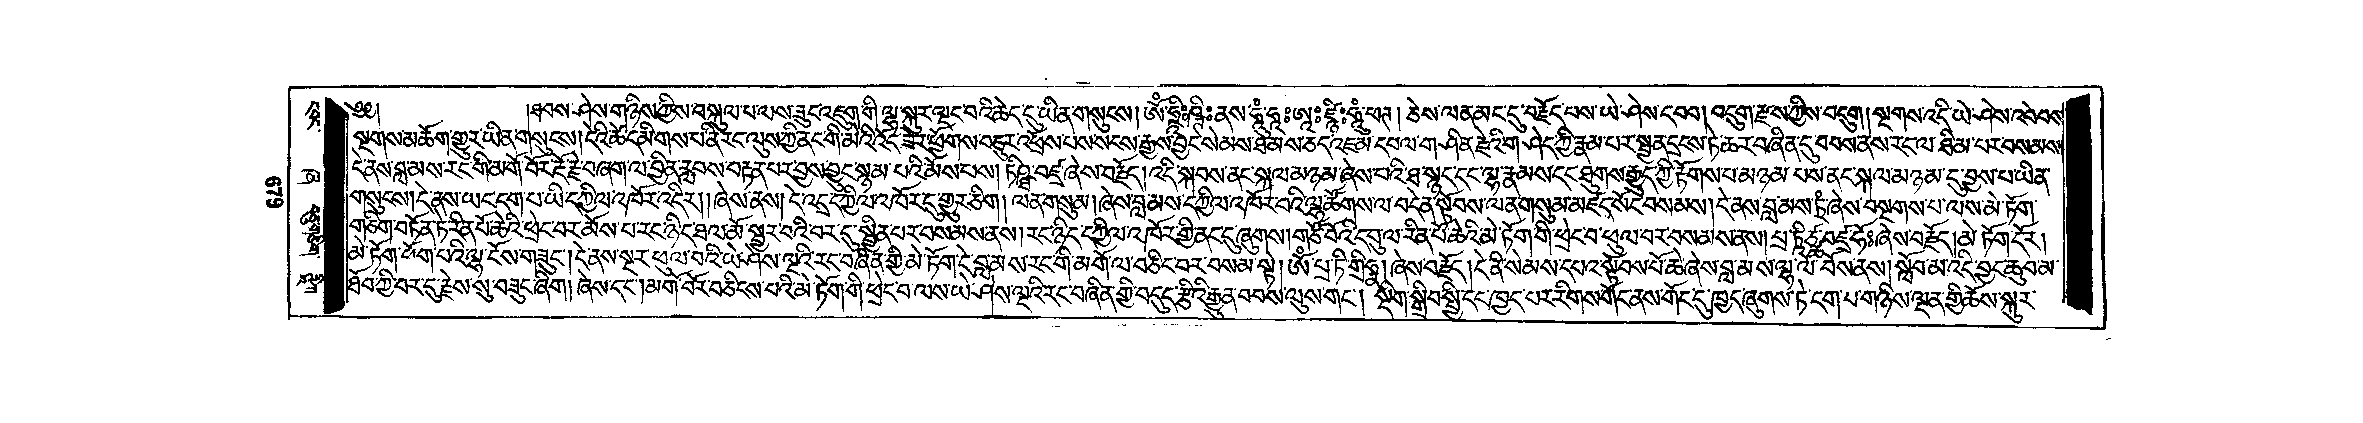༄༅། །ཐབས་ཤེས་གཉིས་ཀྱིས་བསྐུལ་པ་ལས་ཟུང་འཇུག་གི་ལྷ་སྐུར་ལྡང་བའི་ཆེད་དུ་ཡིན་གསུངས། ཨོཾ་ཧྲཱིཿ ཥྚིཿ ནས་ཧཱུཾ་ཧཱཿ ཨཱཿ ཛྙིཿ ཧཱུཾ་ཕཊ། ཅེས་ལན་མང་དུ་བརྗོད་པས་ཡེ་ཤེས་དབབ། བདུག་རྫས་ཀྱིས་བདུག །སྔགས་འདི་ཡེ་ཤེས་འབེབས་
སྔགས་མཆོག་གྱུར་ཡིན་གསུངས། དེའི་ཚེ་དམིགས་པ་ནི་རང་ལུས་ཀྱི་ནང་གི་མེའི་འོད་ཟེར་ཕྱོགས་བཅུར་འཕྲོས་པས་སངས་རྒྱས་བྱང་སེམས་ཐམས་ཅད་འཇམ་དཔལ་གཤིན་རྗེའི་གཤེད་ཀྱི་རྣམ་པར་སྤྱན་དྲངས་ཏེ་ཆར་བཞིན་དུ་བབས་ནས་རང་ལ་ཐིམ་པར་བསམས་
དེ་ནས་བླ་མས་རང་གི་མགོ་བོར་རྡོ་རྗེ་བཞག་ལ་བྱིན་རླབས་བརྟན་པར་བྱས་བྱུང་སྙམ་པའི་མོས་པས། ཏིཥྠ་བྫྲ་ཞེས་བརྗོད། འདི་སྐབས་ནང་སྐལ་མཉམ་ཞེས་པའི་ཐ་སྙད་དང་ལྷ་རྣམས་དང་ཐུགས་རྒྱུད་ཀྱི་རྟོགས་པ་མཉམ་པས་ནང་སྐལ་མཉམ་དུ་བྱས་པ་ཡིན་
གསུངས། དེ་ནས་ཡང་དག་པ་ཡི་དཀྱིལ་འཁོར་འདིར། །ཞེས་ནས། དེ་འདྲ་དཀྱིལ་འཁོར་དུ་གྱུར་ཅིག །ལན་གསུམ། ཞེས་བླ་མས་དཀྱིལ་འཁོར་བའི་ལྷ་ཚོགས་ལ་བདེན་སྟོབས་ལན་གསུམ་མཛད་སོང་བསམས། དེ་ནས་བླ་མས་ཏྲཾ་ཞེས་བསྔགས་པ་ལས་མེ་ཏོག་
གཅིག་བཏོན་ཏེ་རིན་པོ་ཆེའི་ཕྲེང་བར་མོས་པ་རང་ཉིད་ཐལ་མོ་སྦྱར་བའི་བར་དུ་སྦྱིན་པར་བསམས་ནས། རང་ཉིད་དཀྱིལ་འཁོར་གྱི་ནང་དུ་ཞུགས། གཙོ་བོའི་དབུ་ལ་རིན་པོ་ཆེའི་མེ་ཏོག་གི་ཕྲེང་བ་ཕུལ་བར་བསམས་ནས། ཕྲ་ཏཱི་ཙྪ་བྫྲ་ཧོཿ ཞེས་བརྗོད། མེ་ཏོག་དོར།
མེ་ཏོག་ཕོག་པའི་ལྷ་ངོས་གཟུང་། དེ་ནས་སྔར་ཕུལ་བའི་ཡེ་ཤེས་ལྔའི་རང་བཞིན་གྱི་མེ་ཏོག་དེ་བླ་མས་རང་གི་མགོ་ལ་བཅིང་བར་བསམ་སྟེ། ཨོཾ་པྲ་ཏི་གྲིཧྣ། ཞེས་བརྗོད། དེ་ནི་སེམས་དཔའ་སྟོབས་པོ་ཆེ་ཞེས་བླ་མས་ལྷ་ལོ་བོས་ནས། སློབ་མ་འདི་བྱང་ཆུབ་མ་
ཐོབ་ཀྱི་བར་དུ་རྗེས་སུ་བཟུང་ཞིག །ཞེས་དང་། མགོ་བོར་བཅིངས་པའི་མེ་ཏོག་གི་ཕྲེང་བ་ལས་ཡེ་ཤེས་ལྔའི་རང་བཞིན་གྱི་བདུད་རྩིའི་རྒྱུན་བབས་ལུས་གང་། སྡིག་སྒྲིབ་སྤྱི་དང་ཁྱད་པར་རིགས་གོང་ནས་གོང་དུ་ཁྱད་ཞུགས་ཏེ་དག་པ་གཉིས་ལྡན་གྱི་ཆོས་སྐུར་